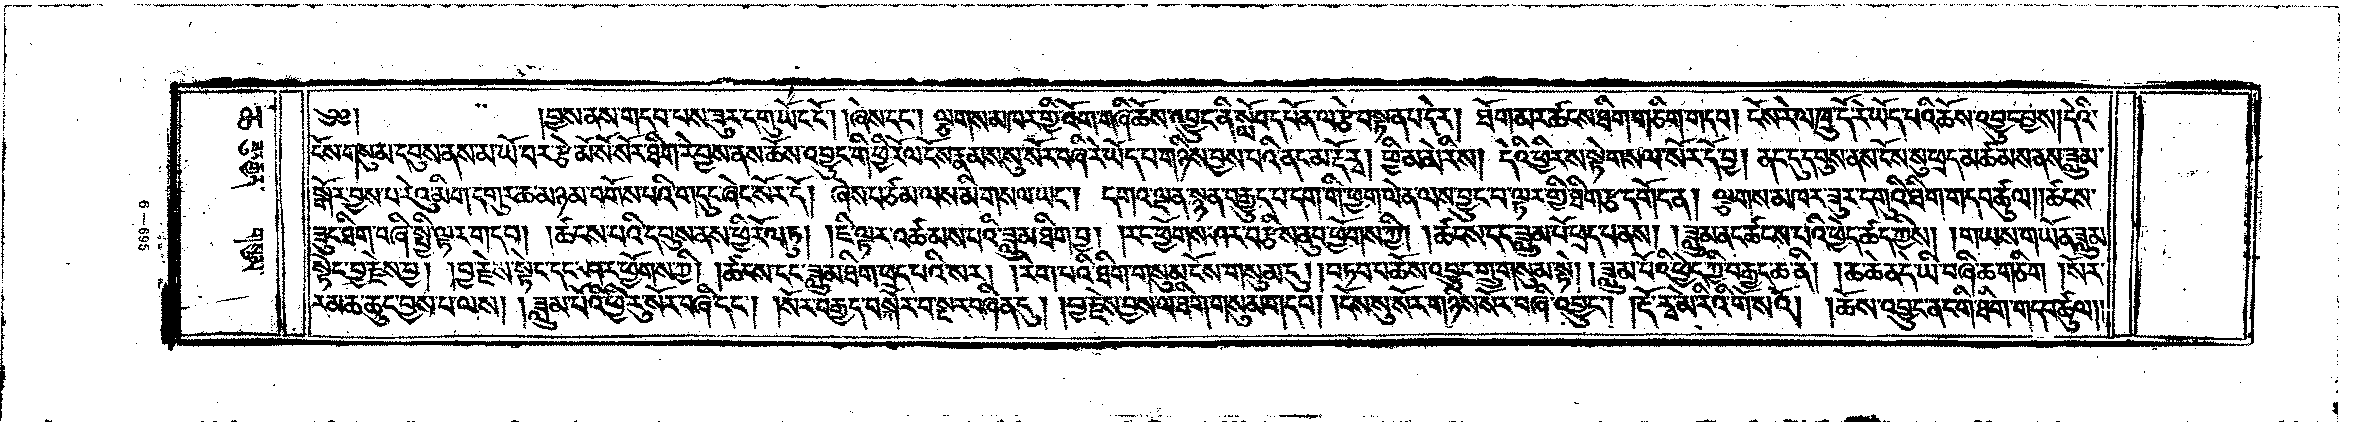༄༅། །བྱས་ནས་གདབ་པས་ཟུར་དགུ་ཡོང་ངོ། །ཞེས་དང་། ལྕགས་མཁར་གྱི་འོག་གཞི་ཆོས་འབྱུང་ནི་སློབ་དཔོན་ལ་རྩེ་བསྟན་པ་དེར། ཐོག་མར་ཚངས་ཐིག་གཅིག་གདབ། ངོས་རེ་ལ་ཁྲུ་དོ་རེ་ཡོད་པའི་ཆོས་འབྱུང་བྱས། དེའི་
ངོས་གསུམ་དབུས་ནས་མ་ཡོ་བར་རྩེ་མོ་སོ་སོར་ཐིག་རེ་བྱས་ནས་ཆོས་འབྱུང་གི་ཕྱི་རོལ་ངོས་རྣམས་སུ་སོར་བཞི་རེ་ཡོད་པ་གཉིས་བྱས་པའི་ནང་མ་རྡོ་རྭ། ཕྱི་མ་མེ་རིས། དེའི་ཕྱིར་ས་སྟེགས་ལ་སོར་དོ་བྱ། ནང་དུ་དབུས་ནས་ངོས་སུ་ཕྲད་མཚམས་ནས་ཟླུམ་
སྒོར་བྱས་པ་རེའུ་མིག་དགུར་ཆ་མཉམ་བགོས་པའི་གདུང་ཞེང་སོར་དོ། ཞེས་པ་ཙམ་ལས་མི་གསལ་ཡང་། དགའ་ལྡན་སྙན་བརྒྱུད་པ་དག་གི་ཕྱག་ལེན་ལས་བྱུང་བ་ལྟར་གྱི་ཐིག་རྩ་དགོང་ན། ལྕགས་མཁར་ཟུར་དགུའི་ཐིག་གདབ་ཚུལ། །ཚངས་
ཟུང་ཐིག་བཞི་སྤྱི་ལྟར་གདབ། །ཚངས་པའི་དབུས་ནས་ཕྱི་རོལ་ཏུ། །ཇི་ལྟར་འཚམས་པའི་ཟླུམ་ཐིག་བྱ། །རང་ཕྱོགས་ཤར་བརྩིས་ནུབ་ཕྱོགས་ཀྱི། །ཚངས་དང་ཟླུམ་པོ་ཕྲད་པ་ནས། །ཟླུམ་ནང་ཚངས་པའི་ཕྱེད་ཚད་ཀྱིས། །གཡས་གཡོན་ཟླུམ་
སྟེང་བྱ་རྗེས་བྱ། །བྱ་རྗེས་སྟེང་དང་ཤར་ཕྱོགས་ཀྱི། །ཚངས་དང་ཟླུམ་ཐིག་ཕྲད་པའི་སར། །རེག་པའི་ཐིག་གསུམ་ངོས་གསུམ་དུ། །བཏབ་པ་ཆོས་འབྱུང་གྲུ་གསུམ་སྟེ། །ཟླུམ་པོའི་ཕྱེད་ཀྱི་བརྒྱད་ཆ་ནི། །ཆ་ཆེན་དེ་ཡི་བཞི་ཆ་གཅིག ། སོར་
རམ་ཆ་ཆུང་བྱས་པ་ལས། །ཟླུམ་པོའི་ཕྱི་རུ་སོར་བཞི་དང་། །སོར་བརྒྱད་བསྐོར་བ་སྔར་བཞིན་དུ། །བྱ་རྗེས་བྱས་ལ་ཐིག་གསུམ་གདབ། །ངོས་སུ་སོར་གཉིས་སོར་བཞི་འབྱུང་། །རྡོ་རྭ་མེ་རིའི་གོ་སའོ། །ཆོས་འབྱུང་ནང་གི་ཐིག་གདབ་ཚུལ།།